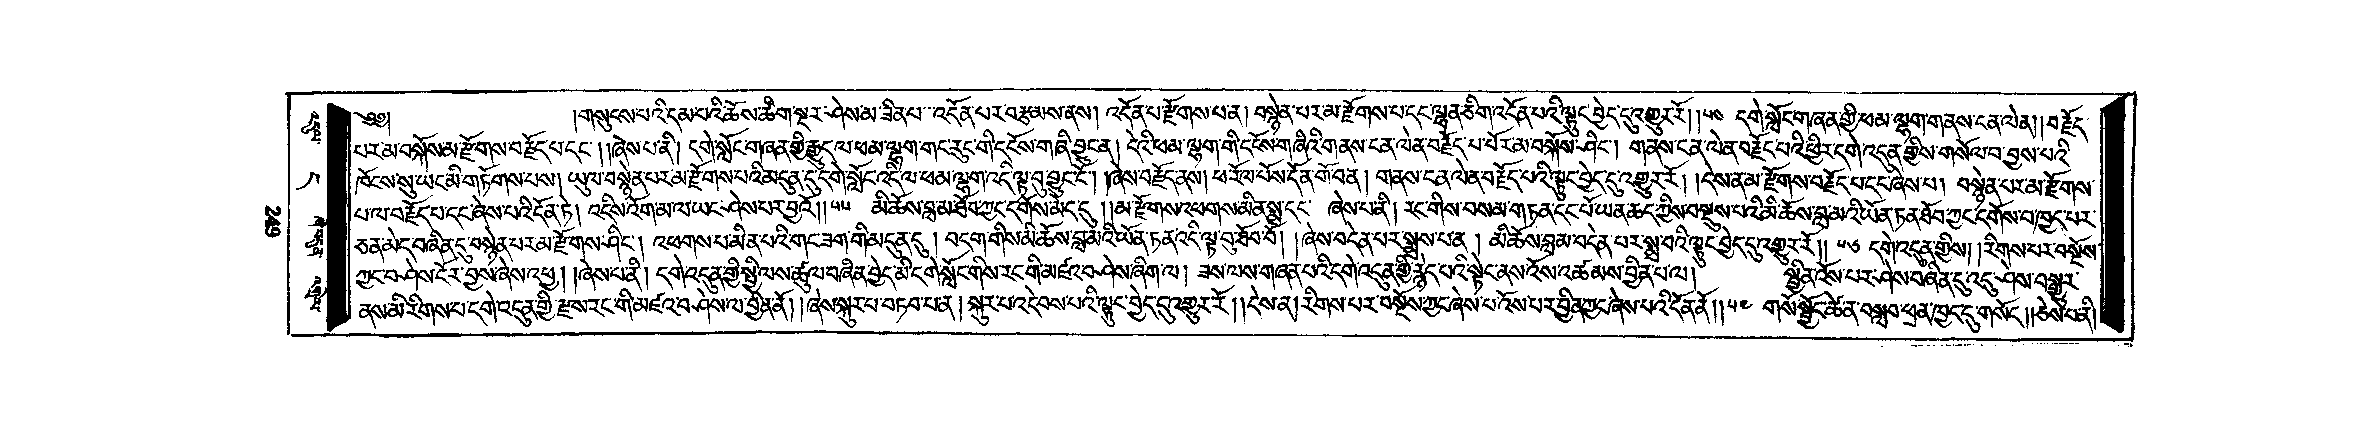༄༅། །གསུངས་པའི་དམ་པའི་ཆོས་ཚིག་སྔར་ཤེས་མ་ཟིན་པ་འདོན་པར་བརྩམས་ནས། འདོན་པ་རྫོགས་པ་ན། བསྙེན་པར་མ་རྫོགས་པ་དང་ལྷན་ཅིག་འདོན་པའི་ལྟུང་བྱེད་དུ་འགྱུར་རོ། །དགེ་སློང་གཞན་གྱི་ཕམ་ལྷག་གནས་ངན་ལེན། །བརྗོད་
པར་མ་བསྐོས་མ་རྫོགས་བརྗོད་པ་དང་། །ཞེས་པ་ནི། དགེ་སློང་གཞན་གྱི་རྒྱུད་ལ་ཕམ་ལྷག་གང་རུང་གི་དངོས་གཞི་བྱུང་ན། དེའི་ཕམ་ལྷག་གི་དངོས་གཞིའི་གནས་ངན་ལེན་བརྗོད་པ་པོར་མ་བསྐོས་ཤིང་། གནས་ངན་ལེན་བརྗོད་པའི་ཕྱིར་དགེ་འདུན་གྱིས་གསོལ་བ་བྱས་པའི་
ཁོངས་སུ་ཡང་མི་གཏོགས་པས། ཡུལ་བསྙེན་པར་མ་རྫོགས་པའི་མདུན་དུ་དགེ་སློང་འདི་ལ་ཕམ་ལྷག་འདི་ལྟ་བུ་བྱུང་ངོ། །ཞེས་བརྗོད་ནས། ཕ་རོལ་པོས་དོན་གོ་བ་ན། གནས་ངན་ལེན་བརྗོད་པའི་ལྟུང་བྱེད་དུ་འགྱུར་རོ། །དེས་ན་མ་རྫོགས་བརྗོད་པ་དང་ཞེས་པ། བསྙེན་པར་མ་རྫོགས་
པ་ལ་བརྗོད་པ་དང་ཞེས་པའི་དོན་ཏེ། འདིས་འོག་མ་ལ་ཡང་ཤེས་པར་བྱའོ། །མི་ཆོས་བླ་མ་ཐོབ་ཀྱང་དགོས་མེད་དུ། །མ་རྫོགས་འཕགས་མིན་སྨྲ་དང་ཞེས་པ་ནི། རང་གིས་བསམ་གཏན་དང་པོ་ཡན་ཆད་ཀྱིས་བསྡུས་པའི་མི་ཆོས་བླ་མའི་ཡོན་ཏན་ཐོབ་ཀྱང་དགོས་པ་ཁྱད་པར་
ཅན་མེད་བཞིན་དུ་བསྙེན་པར་མ་རྫོགས་ཤིང་། འཕགས་པ་མིན་པའི་གང་ཟག་གི་མདུན་དུ། བདག་གིས་མི་ཆོས་བླ་མའི་ཡོན་ཏན་འདི་ལྟ་བུ་ཐོབ་བོ། །ཞེས་བདེན་པར་སྨྲས་པ་ན། མི་ཆོས་བླ་མ་བདེན་པར་སྨྲ་བའི་ལྟུང་བྱེད་དུ་འགྱུར་རོ། །དགེ་འདུན་གྱིས། །རིགས་པར་བསྔོས་
ཀྱང་བཤེས་ངོར་བྱས་ཞེས་འཕྱ། །ཞེས་པ་ནི། དགེ་འདུན་གྱི་སྤྱི་ལས་ཚུལ་བཞིན་བྱེད་མི་དགེ་སློང་གིས་རང་གི་མཛའ་བཤེས་ཞིག་ལ། ཟས་ལས་གཞན་པའི་དགེ་འདུན་གྱི་རྙེད་པའི་སྟེང་ནས་འོས་འཚམས་བྱིན་པ་ལ། སྦྱིན་འོས་པར་ཤེས་བཞིན་དུ་འདུ་ཤེས་བསྒྱུར་
ནས་མི་རིགས་པ་དགེ་འདུན་གྱི་རྫས་རང་གི་མཛའ་བཤེས་ལ་བྱིན་ནོ། །ཞེས་སྐུར་པ་བཏབ་པ་ན། སྐུར་པ་འདེབས་པའི་ལྟུང་བྱེད་དུ་འགྱུར་རོ། །དེས་ན། རིགས་པར་བསྔོས་ཀྱང་ཞེས་པ་འོས་པར་བྱིན་ཀྱང་ཞེས་པའི་དོན་ནོ། །གསོ་སྦྱོང་ཚེ་ན་བསླབ་ཕྲན་ཁྱད་དུ་གསོད། །ཅེས་པ་ནི།